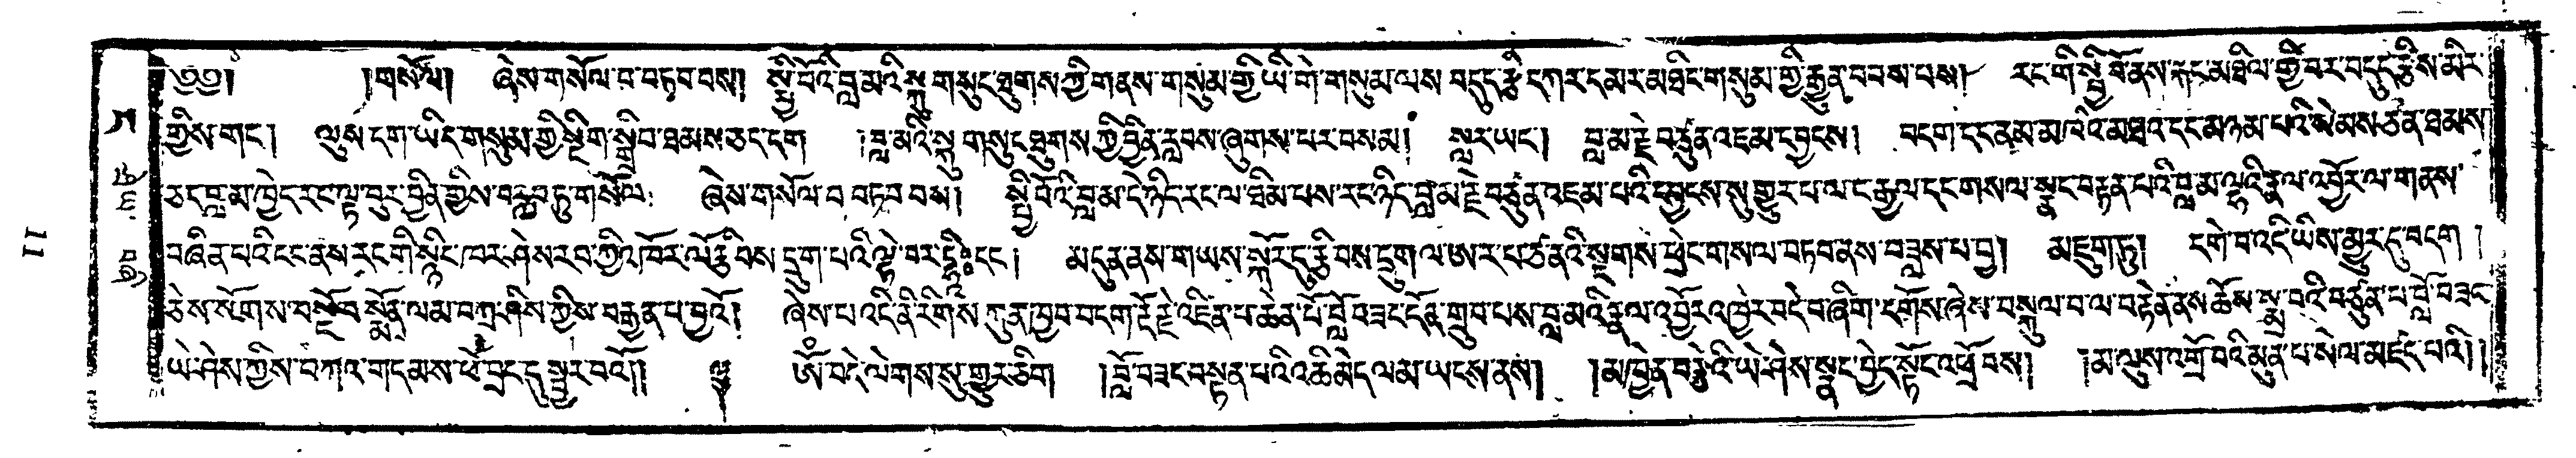༄༅། །གསོལ། ཞེས་གསོལ་བ་བཏབ་བས། སྤྱི་བོའི་བླ་མའི་སྐུ་གསུང་ཐུགས་ཀྱི་གནས་གསུམ་གྱི་ཡི་གེ་གསུམ་ལས་བདུད་རྩི་དཀར་དམར་མཐིང་གསུམ་གྱི་རྒྱུན་བབས་པས། རང་གི་སྤྱི་བོ་ནས་རྐང་མཐིལ་གྱི་བར་བདུད་རྩིས་མིར་
གྱིས་གང་། ལུས་ངག་ཡིད་གསུམ་གྱི་སྡིག་སྒྲིབ་ཐམས་ཅད་དག །བླ་མའི་སྐུ་གསུང་ཐུགས་ཀྱི་བྱིན་རླབས་ཞུགས་པར་བསམ། སླར་ཡང་། བླ་མ་རྗེ་བཙུན་འཇམ་དབྱངས། བདག་དང་ནམ་མཁའི་མཐའ་དང་མཉམ་པའི་སེམས་ཅན་ཐམས་
ཅད་བླ་མ་ཁྱེད་རང་ལྟ་བུར་བྱིན་གྱིས་བརླབ་ཏུ་གསོལ། ཞེས་གསོལ་བ་བཏབ་བས། སྤྱི་བོའི་བླ་མ་དེ་ཉིད་རང་ལ་ཐིམ་པས་རང་ཉིད་བླ་མ་རྗེ་བཙུན་འཇམ་པའི་དབྱངས་སུ་གྱུར་པ་ལ་ངག་རྒྱལ་དང་གསལ་སྣང་བརྟན་པའི་བླ་མ་ལྷའི་རྣལ་འབྱོར་ལ་གནས་
བཞིན་པའི་ངང་ནས་རང་གི་སྙིང་ཁར་ཤེས་རབ་ཀྱི་འཁོར་ལོ་རྩིབས་པའི་དྲུག་པའི་ལྟེ་བར་དྷཱིཿ དང་། མདུན་ནས་གཡས་སྐོར་དུ་རྩིབས་དྲུག་ལ་ཨ་ར་པ་ཙ་ནའི་སྔགས་ཕྲེང་གསལ་བཏབ་ནས་བཟླས་པ་བྱ། མཇུག་ཏུ། དགེ་བ་འདི་ཡིས་མྱུར་དུ་བདག།
ཅེས་སོགས་བསྔོ་བ་སྨོན་ལམ་བཀྲ་ཤིས་ཀྱིས་བརྒྱན་པ་བྱའོ། །ཞེས་པ་འདི་ནི་རིགས་ཀུན་ཁྱབ་བདག་རྡོ་རྗེ་འཛིན་པ་ཆེན་པོ་བློ་བཟང་དོན་གྲུབ་པས་བླ་མའི་རྣལ་འབྱོར་འཁྱེར་བདེ་བ་ཞིག་དགོས་ཞེས་བསྐུལ་བ་ལ་བརྟེན་ནས་ཆོས་སྨྲ་བའི་བཙུན་པ་བློ་བཟང་
ཡེ་ཤེས་ཀྱིས་བཀའ་གདམས་ཕོ་བྲང་དུ་སྦྱར་བའོ།། ༈ ཨོཾ་བདེ་ལེགས་སུ་གྱུར་ཅིག །བློ་བཟང་བསྟན་པའི་འཆི་མེད་ལམ་ཡངས་ནས། །མཁྱེན་བརྩེའི་ཡེ་ཤེས་སྣང་བྱེད་སྟོང་འཕྲོ་བས། །མ་ལུས་འགྲོ་བའི་མུན་པ་སེལ་མཛད་པའི།།